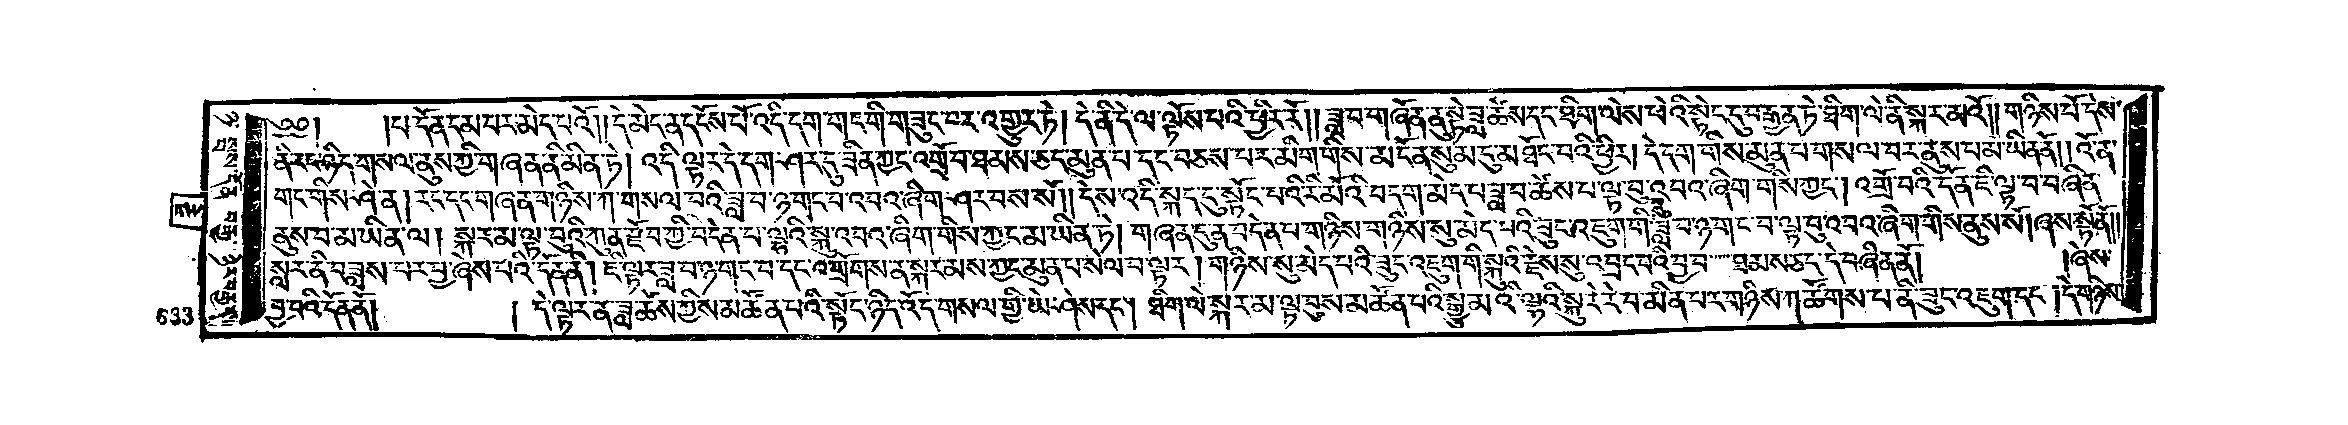༄༅། །པ་དོན་དམ་པར་མེད་པའོ། །དེ་མེད་ན་དངོས་པོ་འདི་དག་གང་གི་གཟུང་བར་འགྱུར་ཏེ། དེ་ནི་དེ་ལ་ལྟོས་པའི་ཕྱིར་རོ། །ཟླ་བ་གཞོན་ནུ་སྟེ་ཟླ་ཚེས་དང་ཐིག་ལེས་ཕེའི་སྟེང་དུ་བརྒྱན་ཏེ་ཐིག་ལེ་ནི་སྐར་མའོ། །གཉིས་པོ་དེས་
ནི་རང་ཉིད་གསལ་ནུས་ཀྱི་གཞན་ནི་མིན་ཏེ། འདི་ལྟར་དེ་དག་ཤར་དུ་ཟིན་ཀྱང་འགྲོ་བ་ཐམས་ཅད་མུན་པ་དང་བཅས་པར་མིག་གིས་མངོན་སུམ་དུ་མཐོང་བའི་ཕྱིར། དེ་དག་གིས་མུན་པ་གསལ་བར་ནུས་པ་མ་ཡིན་ནོ། །འོ་ན་
གང་གིས་ཤེ་ན། རང་དང་གཞན་གཉིས་ཀ་གསལ་བའི་ཟླ་བ་ཉ་གང་བ་འབའ་ཞིག་ཤར་བས་སོ། །དེས་འདི་སྐད་དུ་སྟོང་པའི་རི་མོའི་བདག་མེད་པ་ཟླ་བ་ཚེས་པ་ལྟ་བུ་འབའ་ཞིག་གིས་ཀྱང་། འགྲོ་བའི་དོན་ཇི་ལྟ་བ་བཞིན་
ནུས་པ་མ་ཡིན་ལ། སྐར་མ་ལྟ་བུའི་ཀུན་རྫོབ་ཀྱི་བདེན་པ་ལྷའི་སྐུ་འབའ་ཞིག་གིས་ཀྱང་མ་ཡིན་ཏེ། གཞན་དུ་ན་བདེན་པ་གཉིས་གཉིས་སུ་མེད་པའི་ཟུང་འཇུག་གི་སྐུ་ཟླ་བ་ཉ་གང་བ་ལྟ་བུ་འབའ་ཞིག་གིས་ནུས་སོ། ཞས་སྟོན་ནོ། །
སླར་ནི་བཟླས་པར་བྱ་ཞེས་པའི་དོན་ནི། ཇི་ལྟར་ཟླ་བ་ཉ་གང་བ་དང་འགྲོགས་ན་སྐར་མས་ཀྱང་མུན་པ་སེལ་བ་ལྟར། གཉིས་སུ་མེད་པའི་ཟུང་འཇུག་གི་སྐུའི་རྗེས་སུ་འབྲང་བའི་བྱ་བ་ཐམས་ཅད་དེ་བཞིན་ནོ། །ཞེས་
བྱ་བའི་དོན་ནོ། །དེ་ལྟར་ན་ཟླ་ཆོས་ཀྱིས་མཚོན་པའི་སྟོང་ཉིད་འོད་གསལ་གྱི་ཡེ་ཤེས་དང་། ཐིག་ལེ་སྐར་མ་ལྟ་བུས་མཚོན་པའི་སྒྱུ་མའི་ལྷའི་སྐུ་རེ་རེ་བ་མིན་པར་གཉིས་ཀ་ཚོགས་པ་ནི་ཟུང་འཇུག་དང་། དེ་གཉིས་